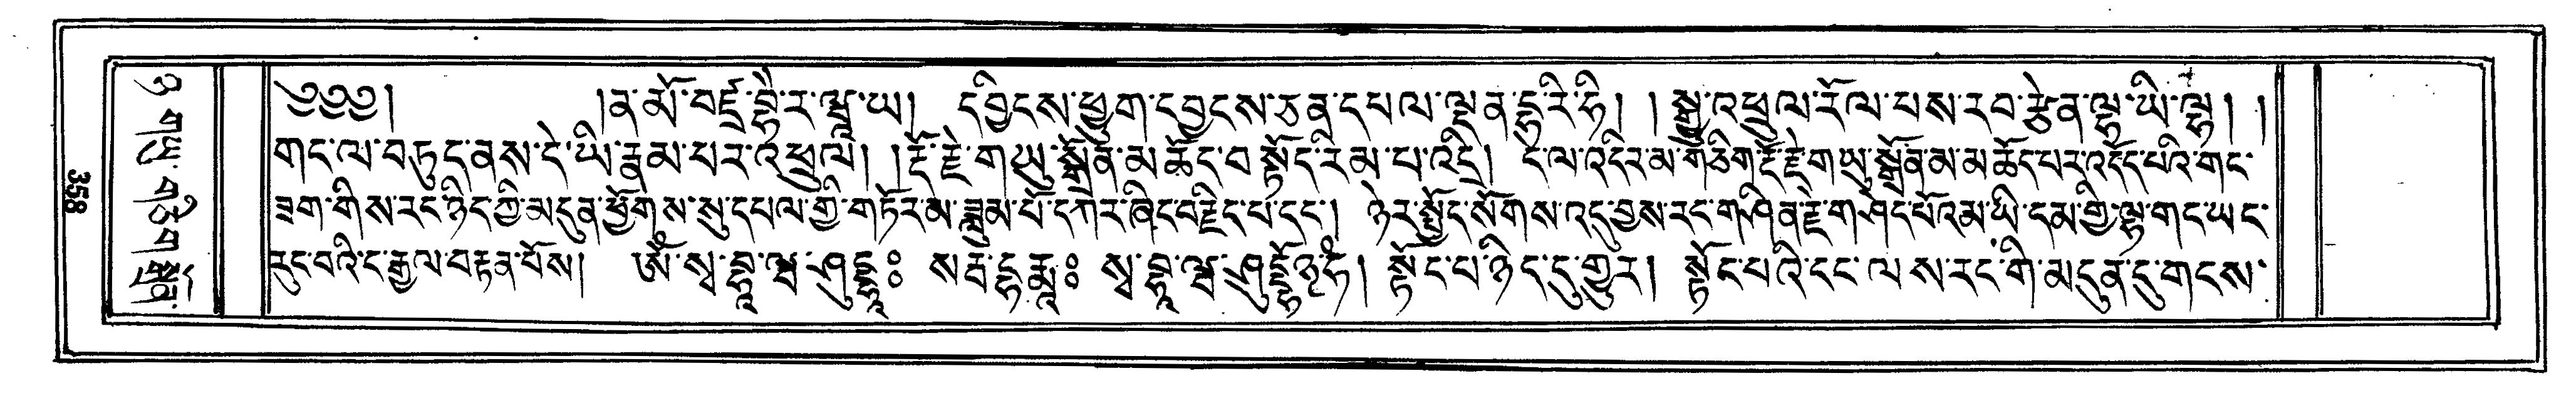༄༅༅། །ན་མོ་བཛྲ་བྷཻ་ར་ཝཱ་ཡ། དབྱིངས་ཕྱུག་དབྱངས་ཅན་དཔལ་ལྡན་དྷ་རི་ཧི། །སྒྱུ་འཕྲུལ་རོལ་པས་རབ་རྩེན་ལྷ་ཡི་ལྷ། །
གང་ལ་བཏུད་ནས་དེ་ཡི་རྣམ་པར་འཕྲུལ། །རྡོ་རྗེ་གཡུ་སྒྲོན་མཆོད་བསྟོད་རིམ་པ་འདྲི། །དེ་ལ་འདིར་མ་གཅིག་རྡོ་རྗེ་གཡུ་སྒྲོན་མ་མཆོད་པར་འདོད་པའི་གང་
ཟག་གི་ས་རང་ཉིད་ཀྱི་མདུན་ཕྱོགས་སུ་དཔལ་གྱི་གཏོར་མ་ཟླུམ་པོ་དཀར་ཞིང་བརྗིད་པ་དང་། ཉེར་སྤྱོད་སོགས་འདུ་བྱས་རང་གཤིན་རྗེ་གཤེད་པོའམ་ཡི་དམ་གྱི་ལྷ་གང་ཡང་
རུང་བའི་ང་རྒྱལ་བརྟན་པོས། ཨོཾ་སྭ་བྷཱ་ཝ་ཤུདྡྷཱཿ སརྦ་དྷརྨཱཿ སྭ་བྷཱ་ཝ་ཤུདྡྷོཉྷཾ། སྟོང་པ་ཉིད་དུ་གྱུར། །སྟོང་པའི་ངང་ལས་རང་གི་མདུན་དུ་གངས་